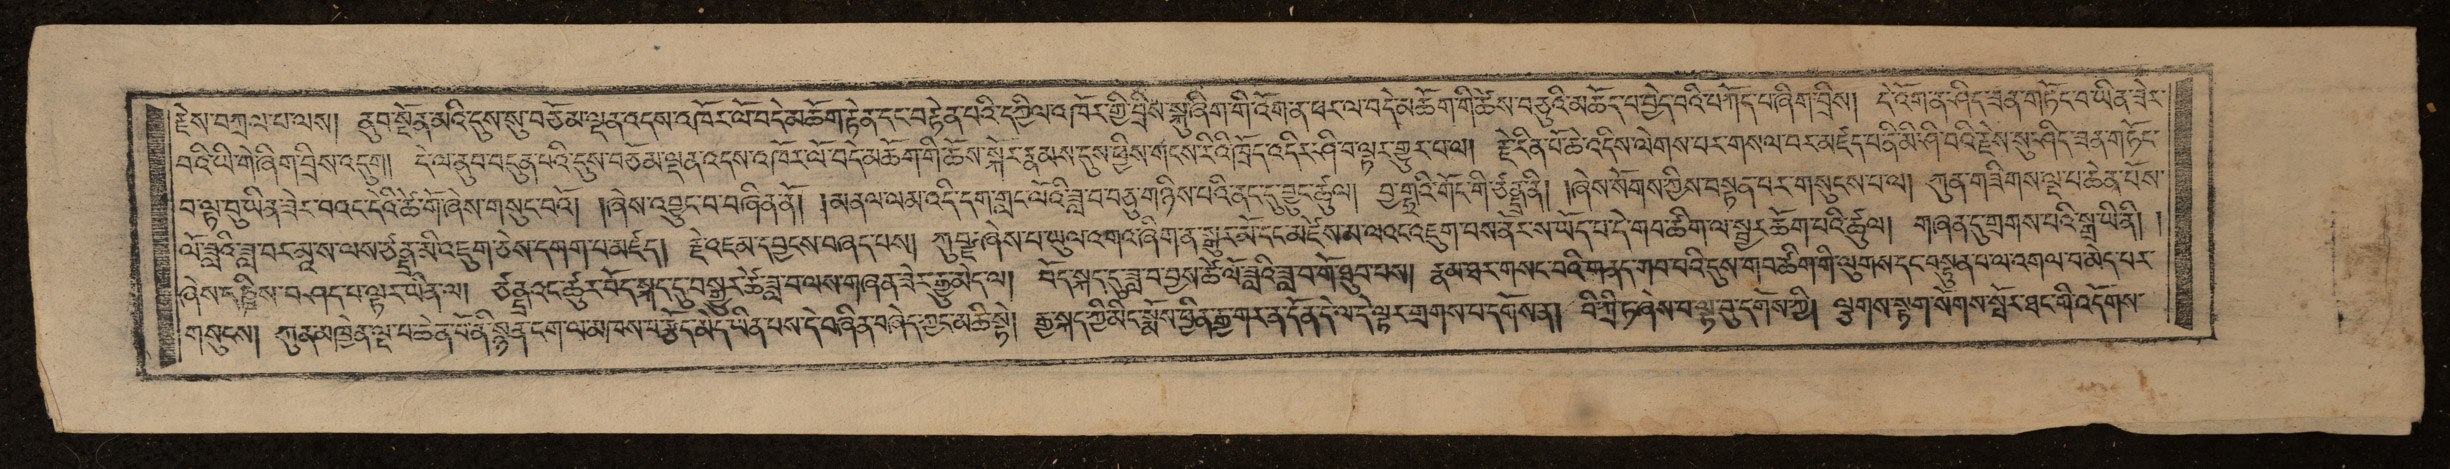རྗེས་བཀྲལ་པ་ལས། ནུབ་སྔོན་མའི་དུས་སུ་བཅོམ་ལྡན་འདས་འཁོར་ལོ་བདེ་མཆོག་རྟེན་དང་བརྟེན་པའི་དཀྱིལ་འཁོར་གྱི་བྲིས་སྐུ་ཞིག་གི་འོག་ན་ཕར་ལ་བདེ་མཆོག་གི་ཚེས་བཅུའི་མཆོད་པ་བྱེད་པའི་བཀོད་པ་ཞིག་བྲིས། དེ་འོག་ན་ཤིད་ཟན་གཏོང་བ་ཡིན་ཟེར་
བའི་ཡི་གེ་ཞིག་བྲིས་འདུག། དེ་ལ་ནུབ་བདུན་པའི་དུས་བཅོམ་ལྡན་འདས་འཁོར་ལོ་བདེ་མཆོག་གི་ཆོས་སྐོར་རྣམས་དུས་ཕྱིས་གངས་རིའི་ཁྲོད་འདིར་ཤི་བ་ལྟར་གྱུར་པ་ལ། རྗེ་རིན་པོ་ཆེ་འདིས་ལེགས་པར་གསལ་པར་མཛད་པ་ནི་མི་ཤི་བའི་རྗེས་སུ་ཤིད་ཟན་གཏོང་
བ་ལྟ་བུ་ཡིན་ཟེར་བའང་དེའི་ཚེ་གོ་ཞེས་གསུང་པའོ། །ཞེས་འབྱུང་བ་བཞིན་ནོ། །མན་ལ་ལམ་འདི་དག་གླང་ལོའི་ཟླ་བ་བཅུ་གཉིས་པའི་ནང་དུ་བྱུང་ཚུལ། བྱ་གྷྲའི་གོང་གི་ཙནྡྲ་ནི། །ཞེས་སོགས་ཀྱིས་བསྟན་པར་གསུངས་པ་ལ། ཀུན་གཟིགས་ལྔ་པ་ཆེན་པོས་
ལོ་ཟླའི་ཟླ་བར་མཱས་ལས་ཙནྡྲ་མི་འཇུག་ཅེས་དགག་པ་མཛད། རྗེ་འཇམ་དབྱངས་བཞད་པས། ཀུབྫ་ཞེས་པ་ཡུལ་འགའ་ཞིག་ན་སྒུར་མོ་དང་མཛེས་མ་ལའང་འཇུག་པས་ནོར་ས་ཡོད་པ་དེ་གབ་ཚིག་ལ་སྦྱར་ཆོག་པའི་ཚུལ། གཞན་དུ་གྲགས་པའི་སྒྲ་ཡི་ནི། །
ཞེས་དཎྜིས་བཤད་པ་ལྟར་ཡིན་ལ། ཙནྡྲའང་ཚུར་བོད་སྐད་དུ་བསྒྱུར་ཚེ་བླ་པ་ལས་གཞན་ཟེར་རྒྱུ་མེད་ལ། བོད་སྐད་དུ་ཟླབ་བྱས་ཚེ་ལོ་ཟླའི་ཟླ་བ་གོ་ཐུབ་པས། རྣམ་ཐར་གསང་བའི་གནད་གབ་པའི་དུས་གང་ཚིག་གི་ལུགས་དང་བསྟུན་པ་ལ་འགལ་བ་མེད་པར་
གསུངས། ཀུན་མཁྱེན་ལྔ་པ་ཆེན་པོ་ནི་སྙན་ངག་ལ་མཁས་པ་རྩོད་མེད་ཡིན་པས་དེ་བཞིན་བཞེད་ཀྱང་མཆི་སྟེ། རྒྱ་སྐད་ཀྱི་མིང་སློས་ཕྱིན་རྒྱ་གར་ན་དོན་དེ་ལ་དེ་ལྟར་གྲགས་པ་དགོས་ན། བི་ཀྲིཏ་ཞེས་བ་ལྟ་བུ་དགོས་ཀྱི། ལྕགས་སྟག་སོགས་སྦྱོར་ཐང་གི་འདོགས་